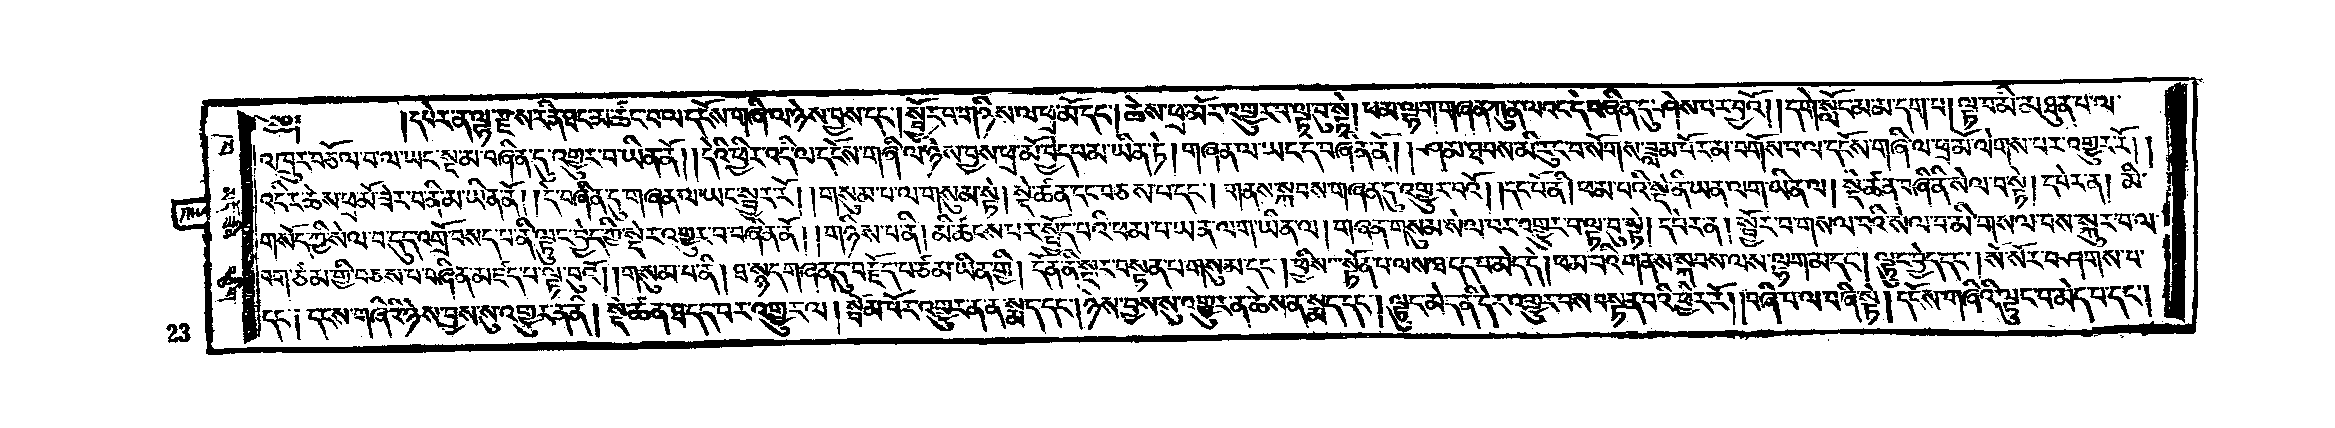༄༅། །དཔེར་ན་ལྷ་རྫས་རིན་ཐང་མ་ཚང་བ་ལ་དངོས་གཞི་ལ་ཉེས་བྱས་དང་། སྦྱོར་བ་གཉིས་ལ་ཕྲ་མོ་དང་། ཆེས་ཕྲ་མོར་འགྱུར་བ་ལྟ་བུ་སྟེ། ཕམ་ལྷག་གཞན་ཀུན་ལའང་དེ་བཞིན་དུ་ཤེས་པར་བྱའོ། །དགེ་སློང་མ་མ་དག་པ། ལྟ་བ་མི་མཐུན་པ་ལ་
འཁྲུར་བཅོལ་བ་ལ་ཡང་སྔ་མ་བཞིན་དུ་འགྱུར་བ་ཡིན་ནོ། །དེའི་ཕྱིར་འདི་ལ་དངོས་གཞི་ལ་ཉེས་བྱས་ཕྲ་མོ་བྱེད་པ་མ་ཡིན་ཏེ། གཞན་ལ་ཡང་དེ་བཞིན་ནོ། །ཤམ་ཐབས་མི་རུང་བ་སོགས་ཟླུམ་པོར་མ་བགོས་པ་ལ་དངོས་གཞི་ལ་ཕྲ་མོ་ལེགས་པར་འགྱུར་རོ། །
འདིར་ཆེས་ཕྲ་མོ་ཟེར་བ་ནི་མ་ཡིན་ནོ། །དེ་བཞིན་དུ་གཞན་ལ་ཡང་སྦྱར་རོ། །གསུམ་པ་ལ་གསུམ་སྟེ། སྡེ་ཚན་དང་བཅས་པ་དང་། གནས་སྐབས་གཞན་དུ་འགྱུར་བའོ། །དང་པོ་ནི། ཕམ་པའི་སྡེ་ནི་ཡན་ལག་ཡིན་ལ། སྡེ་ཚན་བཞི་ནི་སེལ་བ་སྟེ། དཔེར་ན། མི་
གསོད་ཀྱི་སེལ་བ་དུད་འགྲོ་བསད་པ་ནི་ལྟུང་བྱེད་ཀྱི་སྡེར་འགྱུར་བ་བཞིན་ནོ། །གཉིས་པ་ནི། མི་ཚངས་པར་སྤྱོད་པའི་ཕམ་པ་ཡན་ལག་ཡིན་ལ། གཞན་གསུམ་སེལ་བར་འགྱུར་བ་ལྟ་བུ་སྟེ། དཔེར་ན། སྦྱོར་བ་གསལ་བའི་སེལ་བ་མི་གསལ་བས་སྐུར་བ་ལ་
བག་ཙམ་གྱི་བཅས་པ་བཞིན་མཛད་པ་ལྟ་བུའོ། །གསུམ་པ་ནི། ཐ་སྙད་གཞན་དུ་བརྗོད་པ་ཙམ་ཡིན་གྱི། དོན་ནི་སྔར་བསྟན་པ་གསུམ་དང་། ཕྱིས་སྟོན་པ་ལས་ཐ་དད་པ་མད་དེ། ཕམ་པའི་གནས་སྐབས་ལས་ལྷག་མ་དང་། ལྟུང་བྱེད་དང་། སོ་སོར་བཤགས་པ་
དང་། དངས་གཞིའི་ཉེས་བྱས་སུ་འགྱུར་ན་ནི། སྡེ་ཚན་ཐ་དད་པར་འགྱུར་ལ། སྦོམ་པོར་འགྱུར་ན་ན་སྨད་དང་། ཉེས་བྱས་སུ་འགྱུར་ན་ཆེས་ན་སྨད་དང་། ལྟུང་མེད་ནི་དེར་འགྱུར་བས་བསྟན་པའི་ཕྱིར་རོ། །བཞི་པ་ལ་བཞི་སྟེ། དངོས་གཞིའི་ལྟུང་བ་མེད་པ་དང་།